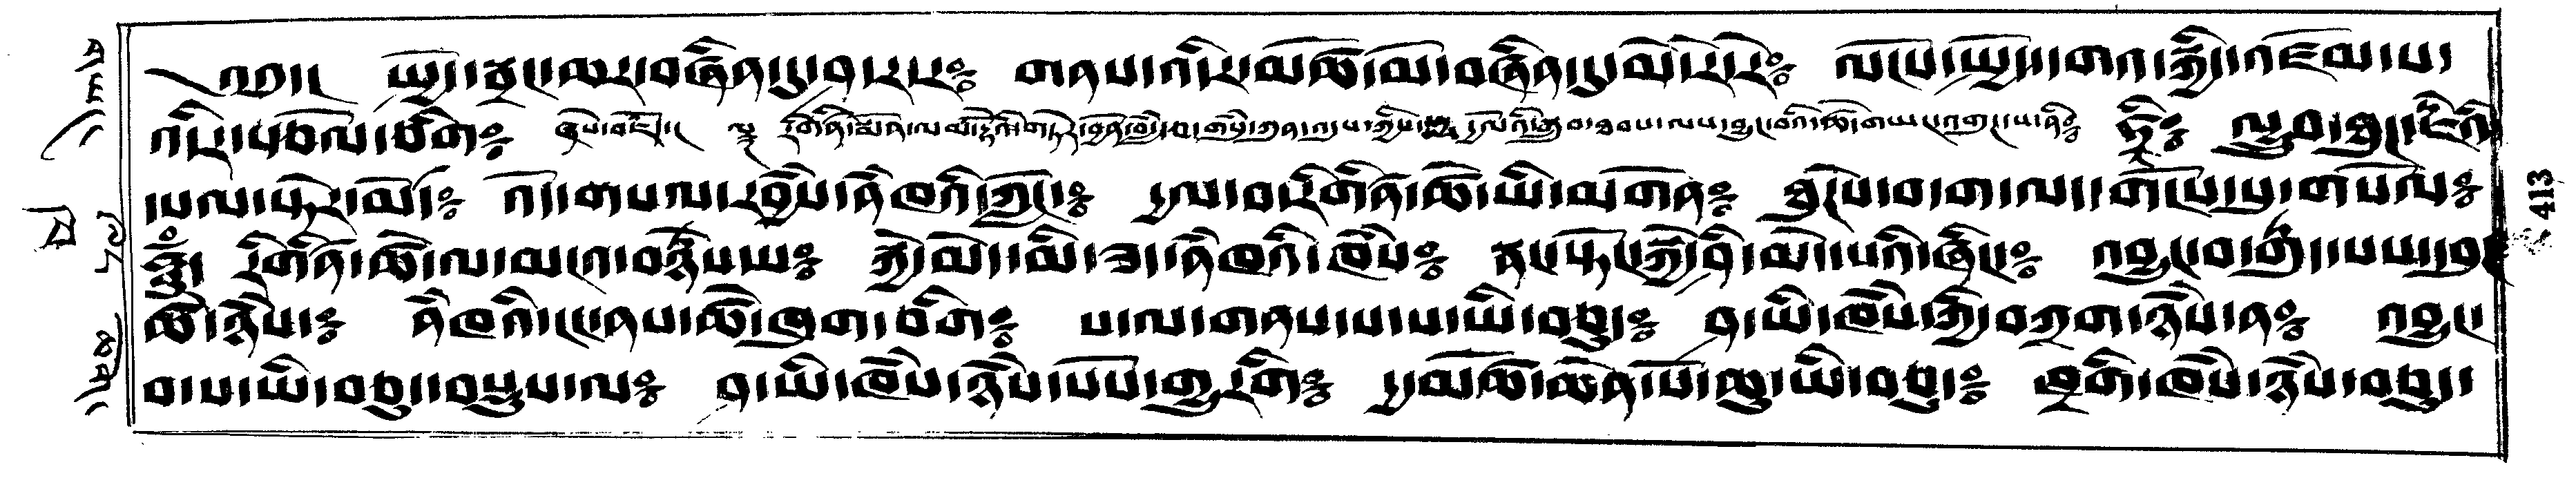སྤྱོད་སྦྲང་ཆར་བཞིན་དུ་ཤ་ར་ར༔ གནས་འདིར་མཚོ་མོ་བཞིན་དུ་མེ་རེ་རེ༔ ལོངས་སྤྱོད་དགའ་སྐྱིད་འཛོམ་པ་
འདིར་སྩོལ་ཅིག༔ ཅེས་བརྗོད། ༈ རིག་འཛིན་སྨོན་ལམ་རྡོ་རྗེའི་གཏེར་བྱོན་བླ་མ་རྩ་གསུམ་ཀུན་འདུས་ཀྱི་པདྨ་རྒྱལ་པོའི་སྒྲུབ་ཐབས་ལས་བྱུང་བའི་ཚེ་གཡང་འགུགས་པ་ནི༔ ཧྲཱི༔ ལྷུན་གྲུབ་ཐུགས་རྗེའི་
དཔལ་སྟེར་མཛོད༔ འོད་གསལ་རབ་བྱམས་ནམ་མཁའི་ཀློང༔ རྒྱལ་བ་རིག་འཛིན་ཚེ་ཡི་མགོན༔ ཐུགས་རྗེས་བདག་ལ་དགོངས་སུ་གསོལ༔ 
ཧཱུྃ༔ རིག་འཛིན་ཚེ་ལ་མངའ་བརྙེས་པ༔ སྐྱེ་མེད་མི་ཟད་ནམ་མཁའི་ཁམས༔ སྣང་སྟོང་སྐྱེ་ཤི་མེད་པའི་ཞིང༔ འབྱུང་བ་རྒུད་པས་དབུགས་
ཚེ་ཉམས༔ ནམ་མཁའི་ངང་ནས་ཚེ་ཁུག་ཅིག༔ ས་ལ་གནས་པ་ས་ཡི་བཅུད༔ ཤ་ཡི་ཁམས་ཀྱི་བཀྲག་ཉམས་ན༔ འབྱུང་
བ་ས་ཡི་བཅུད་བསྡུས་ལ༔ ཤ་ཡི་ཁམས་ཉམས་སོས་གྱུར་ཅིག༔ རྒྱ་མཚོ་ཆེན་པོ་ཆུ་ཡི་བཅུད༔ ཁྲག་གི་ཁམས་ཉམས་བཅུད